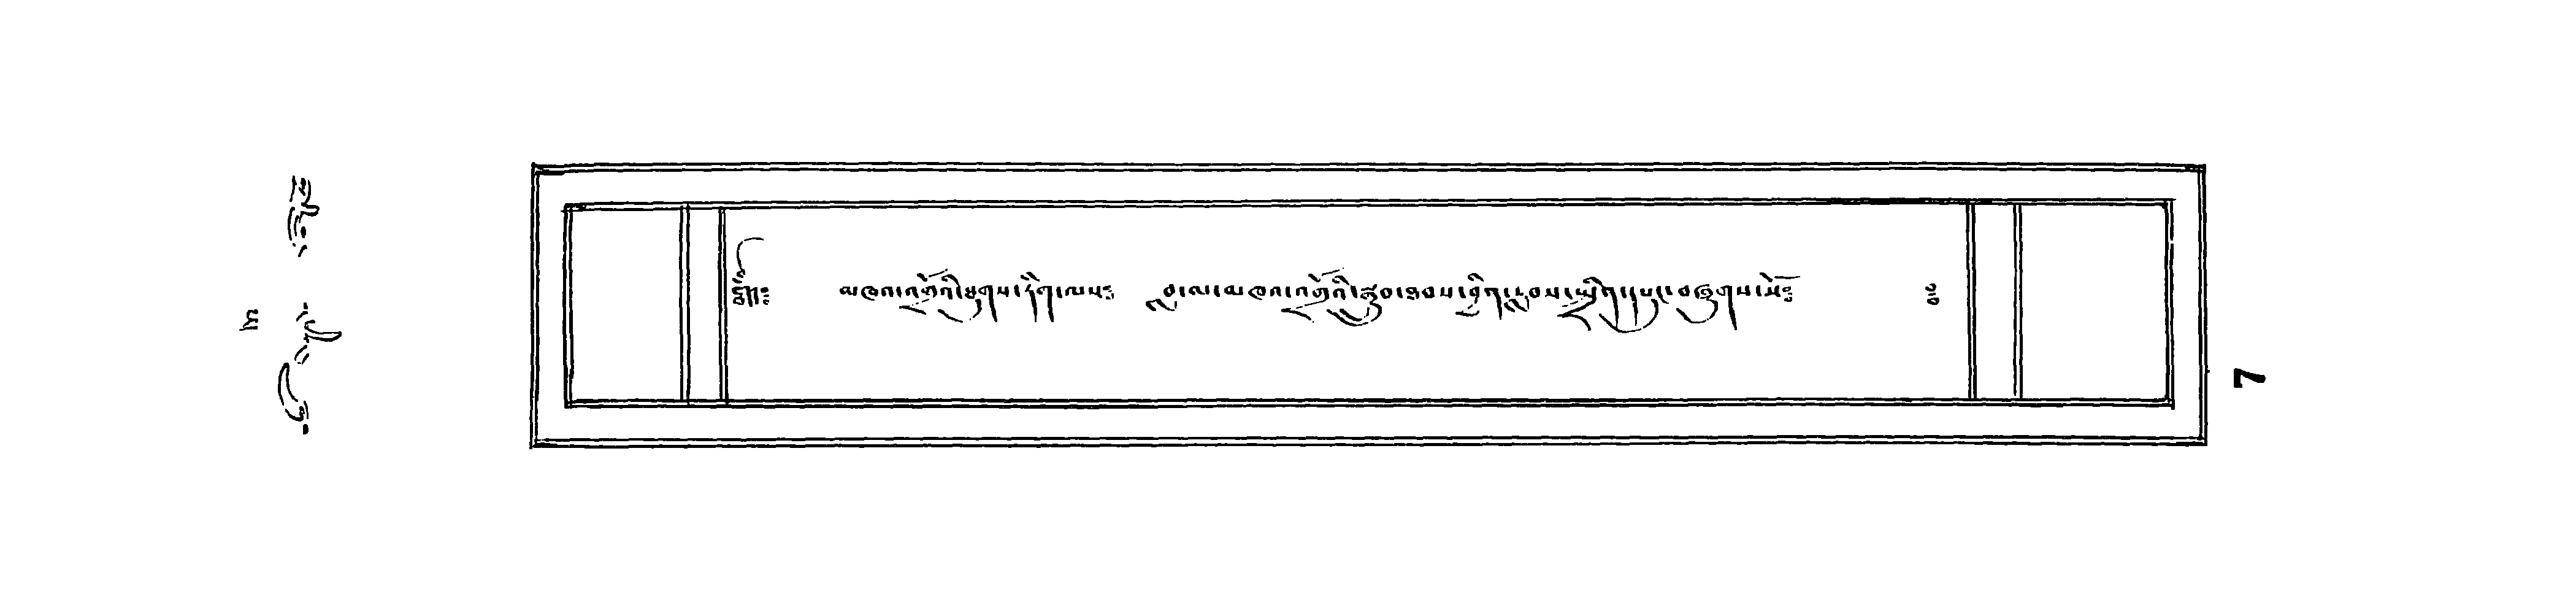མཁའ་འགྲོའི་ཐུགས་ཏིག་ལས༔ བླ་མ་མཁའ་འགྲོའི་སྒྲུབ་ཐབས་བྱིན་རླབས་སྤྲིན་དཔུང་བཞུགས་སོ༔